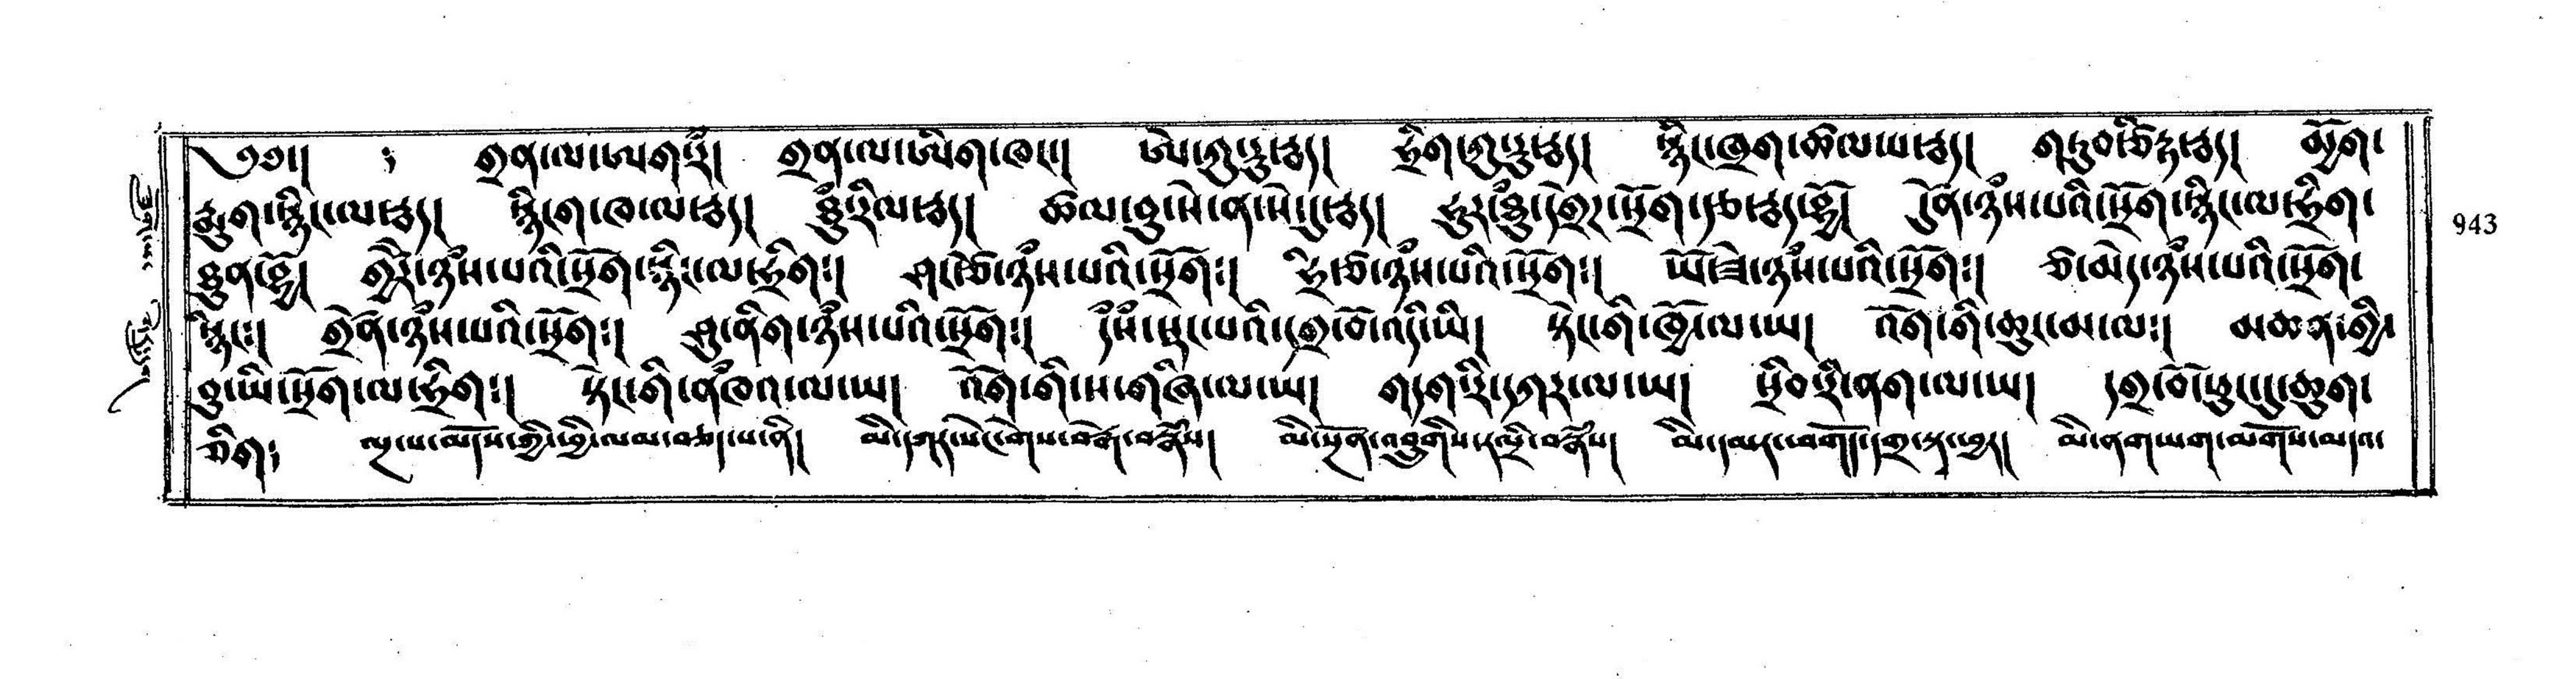གྲན་ལ་ཨག་རཾ། གྲན་ལ་ཨིག་ཁང་། ཨེ་ཀུ་རུ་རྦད། ཧྲིག་ཀུ་རུ་རྦད། སྙིང་ཁྲག་ཚལ་པ་རྦད། གཏུབ་ཙིཏྟ་རྦད། མྱོག་
རྨུག་སྙིང་ལ་རྦད། སྙིང་ཁྲག་ཁ་ལ་རྦད། ཐུཾ་རིལ་རྦད། ཚལ་བུ་སེ་ན་སེ་དུ་རྦད། ཧུར་ཐུཾ་དགྲ་བགེགས་སྲོག་རྩ་རྦད་བྷྱོ། དུན་ཙེ་ཉམས་པའི་སྲོག་སྙིང་ལ་ཧྲིག་
ཐུན་བྷྱོ། གྱེར་ཙེ་ཉམས་པའི་སྲོག་སྙིང་ལ་ཧྲིག༴། ཤང་ཙེ་ཉམས་པའི་སྲོག༴། ཧྲི་ཙ་ཉམས་པའི་སྲོག༴། ཡོ་ཟེ་ཉམས་པའི་སྲོག༴། ཙ་མེད་ཉམས་པའི་སྲོག་
སྙིང་༴། གྲན་ཙེ་ཉམས་པའི་སྲོག༴། ཤུ་ནིག་ཉམས་པའི་སྲོག༴། དམ་ཉམས་སྡང་པའི་དགྲ་བོ་འདི་ཡི། སྟེང་གི་ཁྱོ་ལ་ཡ། འོག་གི་ཆུང་མ་ལ༴། མཆན་གྱི་
བུ་ཡི་སྲོག་ལ་ཧྲིག༴། སྟེང་གི་ནམ་མཁའ་ལ་ཡ། འོག་གི་ས་གཞི་ལ་ཡ། གདག་རི་དཀར་ལ་ཡ། སྲིབ་རི་ནག་ལ་ཡ། དགྲ་བོ་ཕུང་དུ་ཆུག་
ཅིག ལྔ་པ་མདོས་ཀྱི་ཕྱི་ལམ་བཅད་པ་ནི། མི་དཀར་སེང་གེས་བེརྒ་བསྣམས། མི་སྔོན་འབྲུག་གིས་རལ་གྲི་བསྣམས། མི་དམར་ཕག་རྒོད་དགྲ་སྟྭ་ཕྱར། མི་ནག་གཡག་མགོས་མདའ་